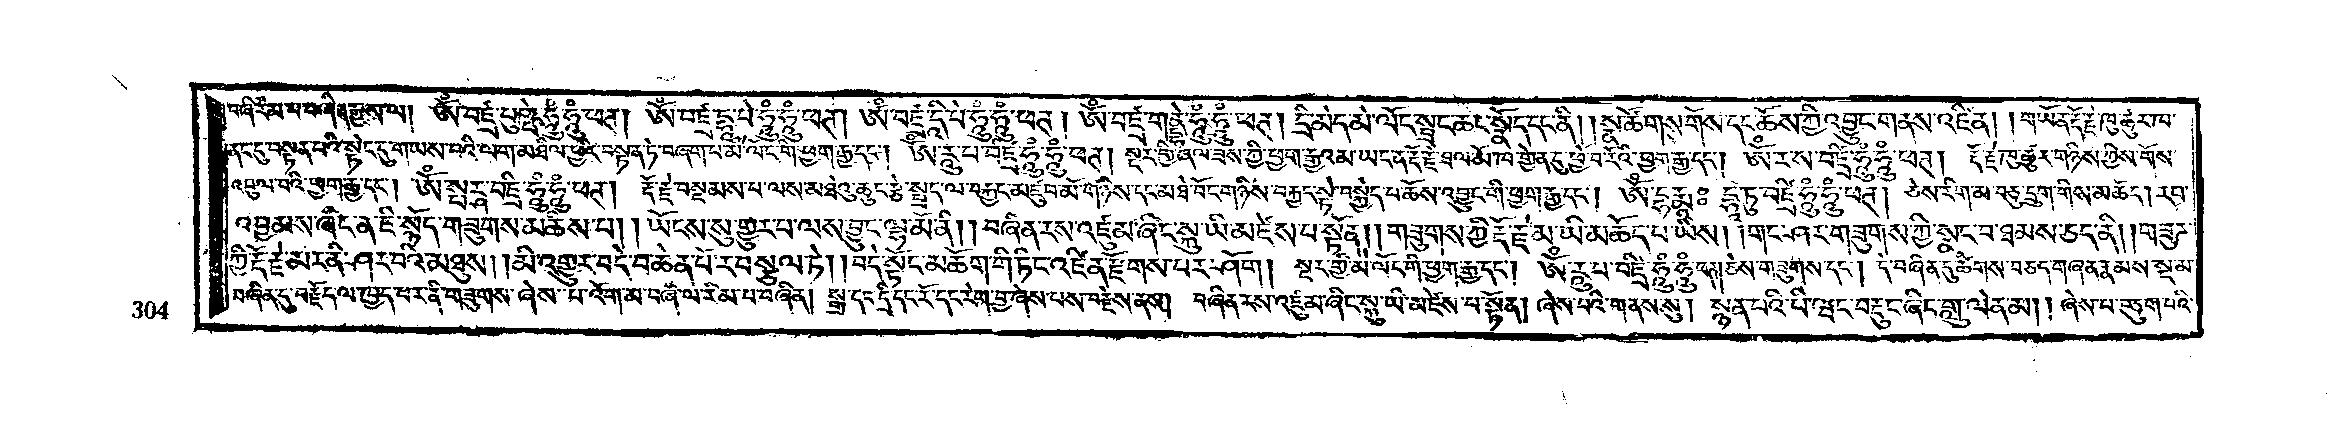བཞི་རིམ་པ་བཞིན་བྱས་ལ། ཨོཾ་བཛྲ་པུཥེཔ་ཧཱུཾ་ཧཱུཾ་ཕཊ། ཨོཾ་བཛྲ་དྷཱུ་པེ་ཧཱུཾ་ཧཱུཾ་ཕཊ། ཨོཾ་བཛྲ་དཱི་པེ་ཧཱུཾ་ཧཱུཾ་ཕཊ། ཨོཾ་བཛྲ་གནྡྷེ་ཧཱུཾ་ཧཱུཾ་ཕཊ། དྲི་མེད་མེ་ལོང་སྦྲན་ཆང་སྣོད་དང་ནི། །སྣ་ཚོགས་གོས་དང་ཆོས་ཀྱི་འབྱུང་གནས་འཛིན། །གཡོན་རྡོ་རྗེ་ཁུ་ཚུར་ཁ་
ནང་དུ་བསྟན་པའི་སྟེང་དུ་གཡས་པའི་ལག་མཐིལ་ཕྱིར་བསྟན་ཏེ་བཞག་པ་མེ་ལོང་གི་ཕྱག་རྒྱ་དང་། ཨོཾ་རཱུ་པ་བཛྲི་ཧཱུཾ་ཧཱུཾ་ཕཊ། སྔར་གྱི་ཞལ་ཟས་ཀྱི་ཕྱག་རྒྱའམ་ཡང་ན་རྡོ་རྗེ་ཐལ་མོ་ཁ་གྱེན་དུ་ཕྱེ་བ་རོའི་ཕྱག་རྒྱ་དང་།  ཨོཾ་ར་ས་བཛྲི་ཧཱུཾ་ཧཱུཾ་ཕཊ། རྡོ་རྗེ་ཁུ་ཚུར་གཉིས་ཀྱིས་གོས་
འབུལ་བའི་ཕྱག་རྒྱ་དང་། ཨོཾ་སྤརྴ་བཛྲི་ཧཱུཾ་ཧཱུཾ་ཕཊ། རྡོ་རྗེ་བསྡམས་པ་ལས་མཐེའུ་ཆུང་རྩེ་སྤྲད་ལ་བརྐྱང་མཛུབ་མོ་གཉིས་དང་མཐེ་བོང་གཉིས་བརྐྱང་སྟེ་བསྐྱེད་པ་ཆོས་འབྱུང་གི་ཕྱག་རྒྱ་དང་།  ཨོཾ་དྷརྨཱཿ དྷཱ་ཏུ་བཛྲི་ཧཱུཾ་ཧཱུཾ་ཕཊ། ཅེས་རིག་མ་བཅུ་དྲུག་གིས་མཆོད།  རབ་
འབྱམས་ཞིང་ན་ཇི་སྙེད་གཟུགས་མཆིས་པ། །ཡོངས་སུ་གྱུར་པ་ལས་བྱུང་ལྷ་མོ་ནི། །བཞིན་རས་འཛུམ་ཞིང་སྐུ་ཡི་མཛེས་པ་སྟོན། །གཟུགས་ཀྱི་རྡོ་རྗེ་མ་ཡི་མཆོད་པ་ཡིས། །གང་ཤར་གཟུགས་ཀྱི་སྣང་བ་ཐམས་ཅད་ནི། །གཟུགས་
ཀྱི་རྡོ་རྗེ་མར་ནི་ཤར་བའི་མཐུས། །མི་འགྱུར་བདེ་བ་ཆེན་པོ་རབ་སྩལ་ཏེ། །བདེ་སྟོང་མཆོག་གི་ཏིང་འཛིན་རྫོགས་པར་ཤོག ། སྔར་གྱི་མེ་ལོང་གི་ཕྱག་རྒྱ་དང་།  ཨོཾ་རཱུ་པ་བཛྲི་ཧཱུཾ་ཧཱུཾ་ཕཊ། ཅེས་གཟུགས་དང་། དེ་བཞིན་དུ་ཚིགས་བཅད་གཞན་རྣམས་སྔ་མ་
བཞིན་དུ་བརྗོད་ལ་ཁྱད་པར་ནི་གཟུགས་ཞེས་པ་འོག་མ་བཞི་པ་རིམ་པ་བཞིན། སྒྲ་དང་དྲི་དང་རོ་དང་རེག་བྱ་ཞེས་པས་བརྗེས་ནས། བཞིན་རས་འཛུམ་ཞིང་སྐུ་ཡི་མཛེས་པ་སྟོན། ཞེས་པའི་གནས་སུ། སྙན་པའི་པི་ཝང་བརྡུང་ཞིང་གླུ་ལེན་མ། །ཞེས་པ་བཅུག་པའི་